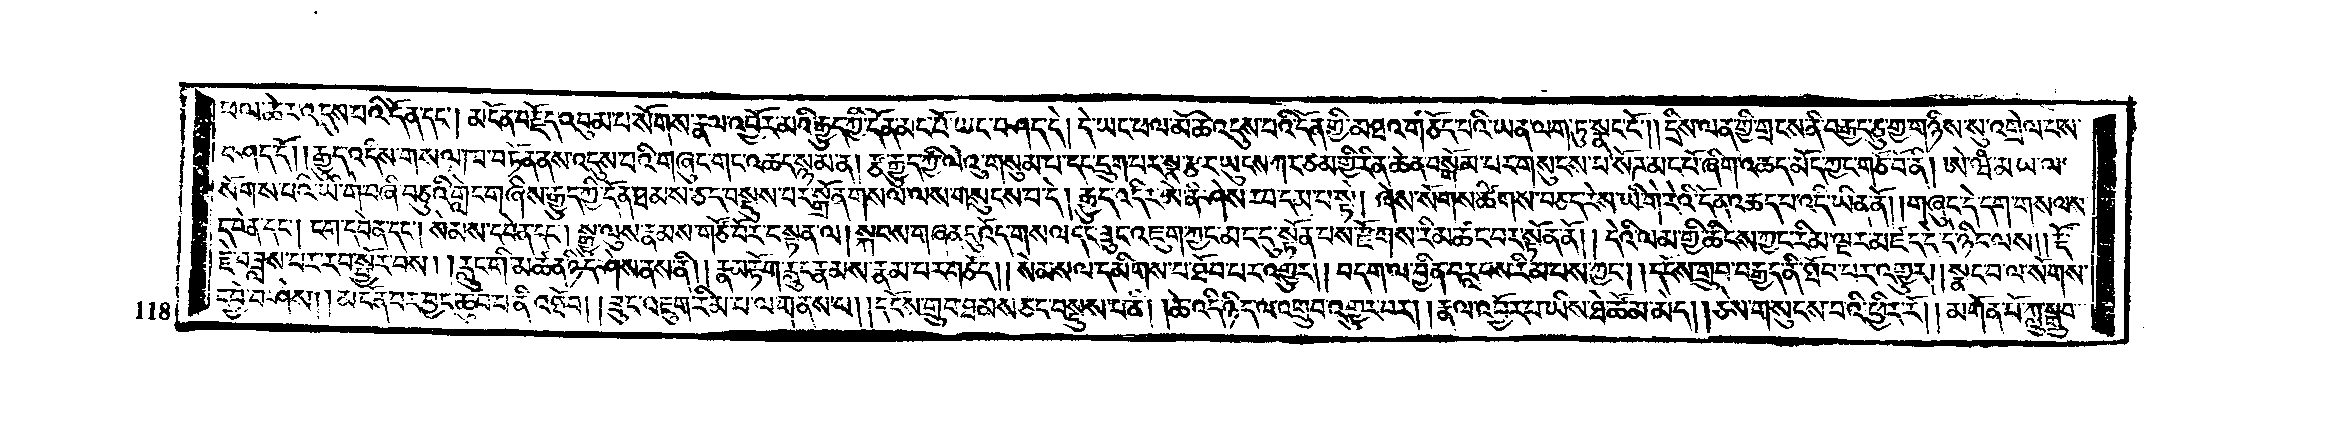ཕལ་ཆེར་འདུས་པའི་དོན་དང་། མངོན་བརྗོད་འབུམ་པ་སོགས་རྣལ་འབྱོར་མའི་རྒྱུད་ཀྱི་དོན་མང་པོ་ཡང་བཤད་དེ། དེ་ཡང་ཕལ་མོ་ཆེ་འདུས་པའི་དོན་གྱི་མཐའ་གཅོད་པའི་ཡན་ལག་ཏུ་སྣང་ངོ། །དྲིས་ལན་གྱི་གྲངས་ནི་བརྒྱད་ཅུ་གྱ་གཉིས་སུ་འགྲེལ་པས་
བཤད་དོ། །རྒྱུད་འདིས་གསལ་ཁ་བཏོན་ནས་འདུས་པའི་གཞུང་གང་འཆད་སྙམ་ན། རྩ་རྒྱུད་ཀྱི་ལེའུ་གསུམ་པ་དང་དྲུག་པར་སྣ་རྩེར་ཡུངས་ཀར་ཙམ་གྱི་རིན་ཆེན་བསྒོམ་པར་གསུངས་པ་སོགས་མང་པོ་ཞིག་འཆད་མོད་ཀྱང་གཙོ་བོ་ནི། ཨེ་ཝཾ་མ་ཡ་ལ་
སོགས་པའི་ཡི་གེ་བཞི་བཅུའི་གླེང་གཞིས་རྒྱུད་ཀྱི་དོན་ཐམས་ཅད་བསྡུས་པར་སྒྲོན་གསལ་ལས་གསུངས་པ་དེ། རྒྱུད་འདིར་ཨེ་ནི་ཤེས་རབ་དམ་པ་སྟེ། ཞེས་སོགས་ཚིགས་བཅད་རེས་ཡི་གེ་རེའི་དོན་འཆད་པ་འདི་ཡིན་ནོ། །གཞུང་དེ་དག་གིས་ལུས་
དབེན་དང་། ངག་དབེན་དང་། སེམས་དབེན་དང་། སྒྱུ་ལུས་རྣམས་གཙོ་བོར་བསྟན་ལ། སྐབས་གཞན་དུ་འོད་གསལ་དང་ཟུང་འཇུག་ཀྱང་མང་དུ་སྟོན་པས་རྫོགས་རིམ་ཚང་བར་སྟོན་ནོ། །དེའི་ལམ་གྱི་ཆིངས་ཀྱང་རིམ་ལྔར་མཛད་དེ་དེ་ཉིད་ལས། །རྡོ་
རྗེ་བཟླས་པར་རབ་སྦྱོར་བས། །རླུང་གི་མཚན་ཉིད་ཤེས་ནས་ནི། །རྣམ་རྟོག་རླུང་རྣམས་རྣམ་པར་གཅོད། །སེམས་ལ་དམིགས་པ་ཐོབ་པར་འགྱུར། །བདག་ལ་བྱིན་བརླབས་རིམ་པས་ཀྱང་། །དངོས་གྲུབ་བརྒྱད་ནི་ཐོབ་པར་འགྱུར། །སྣང་བ་ལ་སོགས་
དབྱེ་བ་ཤེས། །མངོན་པར་བྱང་ཆུབ་པ་ནི་འཐོབ། །ཟུང་འཇུག་རིམ་པ་ལ་གནས་པ། །དངོས་གྲུབ་ཐམས་ཅད་བསྡུས་པ་ནི། །ཚེ་འདི་ཉིད་ལ་འགྲུབ་འགྱུར་བར། །རྣལ་འབྱོར་པ་ཡིས་ཐེ་ཚོམ་མེད། །ཅེས་གསུངས་པའི་ཕྱིར་རོ། །མགོན་པོ་ཀླུ་སྒྲུབ་